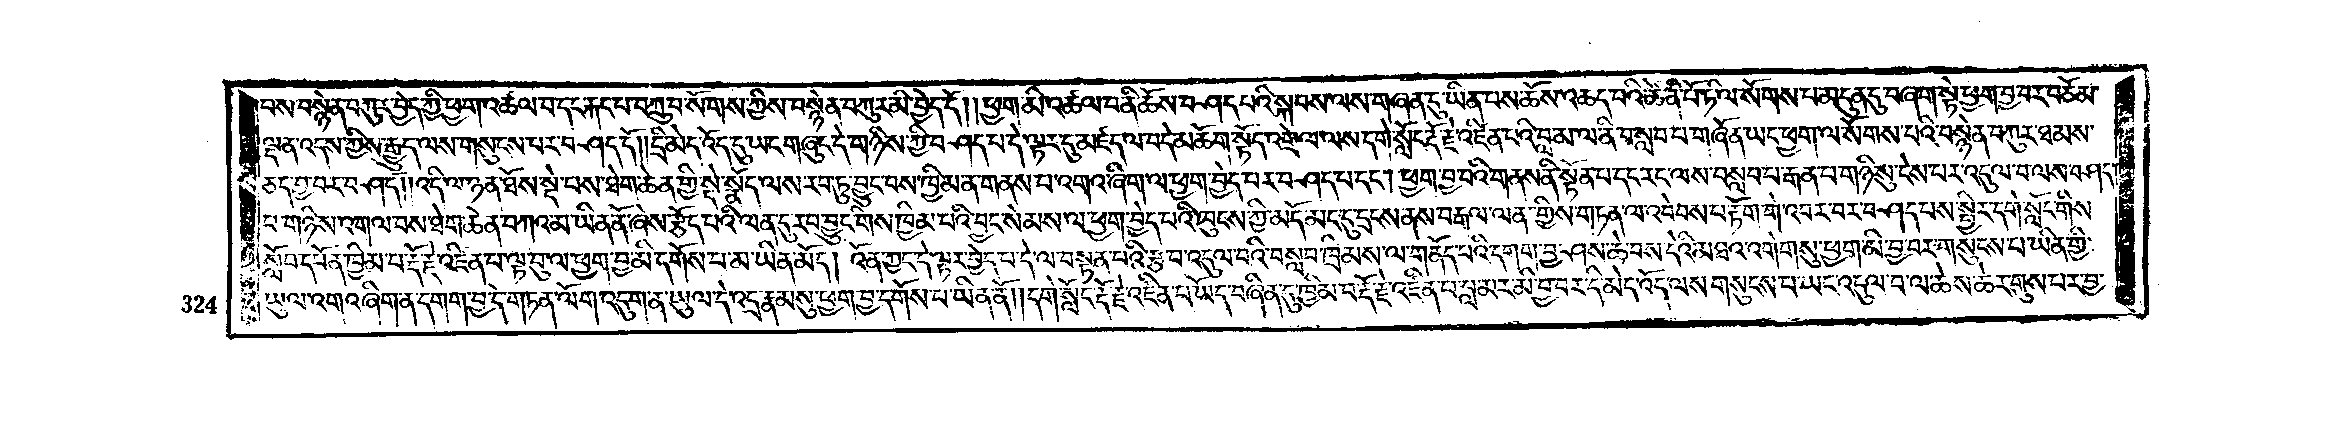བས་བསྙེན་བཀུར་བྱེད་ཀྱི་ཕྱག་འཚལ་བ་དང་རྐང་པ་བཀྲུ་བ་སོགས་ཀྱིས་བསྙེན་བཀུར་མི་བྱེད་དོ། །ཕྱག་མི་འཚལ་བ་ནི་ཆོས་བཤད་པའི་སྐབས་ལས་གཞན་དུ་ཡིན་པས་ཆོས་འཆད་པའི་ཚེ་ནི་པོ་ཏི་ལ་སོགས་པ་མདུན་དུ་བཞག་སྟེ་ཕྱག་བྱ་བར་བཅོམ་
ལྡན་འདས་ཀྱིས་རྒྱུད་ལས་གསུངས་པར་བཤད་དོ། །དྲི་མེད་འོད་དུ་ཡང་གཞུང་དེ་གཉིས་ཀྱི་བཤད་པ་དེ་ལྟར་དུ་མཛད་ལ་བདེ་མཆོག་སྟོད་འགྲེལ་ལས་དགེ་སློང་རྡོ་རྗེ་འཛིན་པའི་བླ་མ་ལ་ནི་བསླབ་པ་གཞོན་ཡང་ཕྱག་ལ་སོགས་པའི་བསྙེན་བཀུར་ཐམས་
ཅད་བྱ་བར་བཤད་དོ། །འདི་ལ་ཉན་ཐོས་སྡེ་པས་ཐེག་ཆེན་གྱི་སྡེ་སྣོད་ལས་རབ་ཏུ་བྱུང་བས་ཁྱིམ་ན་གནས་པ་འགའ་ཞིག་ལ་ཕྱག་བྱེད་པར་བཤད་པ་དང་། ཕྱག་བྱ་བའི་གནས་ནི་སྟོན་པ་དང་རང་ལས་བསླབ་པ་རྒན་པ་གཉིས་སུ་ངེས་པར་འདུལ་བ་ལས་བཤད་
པ་གཉིས་འགལ་བས་ཐེག་ཆེན་བཀའ་མ་ཡིན་ནོ་ཞེས་རྩོད་པའི་ལན་དུ་རབ་བྱུང་གིས་ཁྱིམ་པའི་བྱང་སེམས་ལ་ཕྱག་བྱེད་པའི་ཁུངས་ཀྱི་མདོ་མང་དུ་དྲངས་ནས་བརྒལ་ལན་གྱིས་གཏན་ལ་འབེབས་པ་རྟོག་གེ་འབར་བར་བཤད་པས་སྤྱིར་དགེ་སློང་གིས་
སློབ་དཔོན་ཁྱིམ་པ་རྡོ་རྗེ་འཛིན་པ་ལྟ་བུ་ལ་ཕྱག་བྱ་མི་དགོས་པ་མ་ཡིན་མོད། འོན་ཀྱང་དེ་ལྟར་བྱེད་པ་དེ་ལ་བསྟན་པའི་རྩ་བ་འདུལ་བའི་བསླབ་ཁྲིམས་ལ་གནོད་པའི་དགག་བྱ་ཤས་ཆེ་བས་དེའི་མཐའ་འགེགས་སུ་ཕྱག་མི་བྱ་བར་གསུངས་པ་ཡིན་གྱི་
ཡུལ་འགའ་ཞིག་ན་དགག་བྱ་དེ་གཏན་ལོག་འདུག་ན་ཡུལ་དེ་འདྲ་རྣམས་སུ་ཕྱག་བྱ་དགོས་པ་ཡིན་ནོ། །དགེ་སློང་རྡོ་རྗེ་འཛིན་པ་ཡོད་བཞིན་དུ་ཁྱིམ་པ་རྡོ་རྗེ་འཛིན་པ་བླ་མར་མི་བྱ་བར་དི་མེད་འོད་ལས་གསུངས་པ་ཡང་འདུལ་བ་ལ་ཆེས་ཆེར་གུས་པར་བྱ་མ་